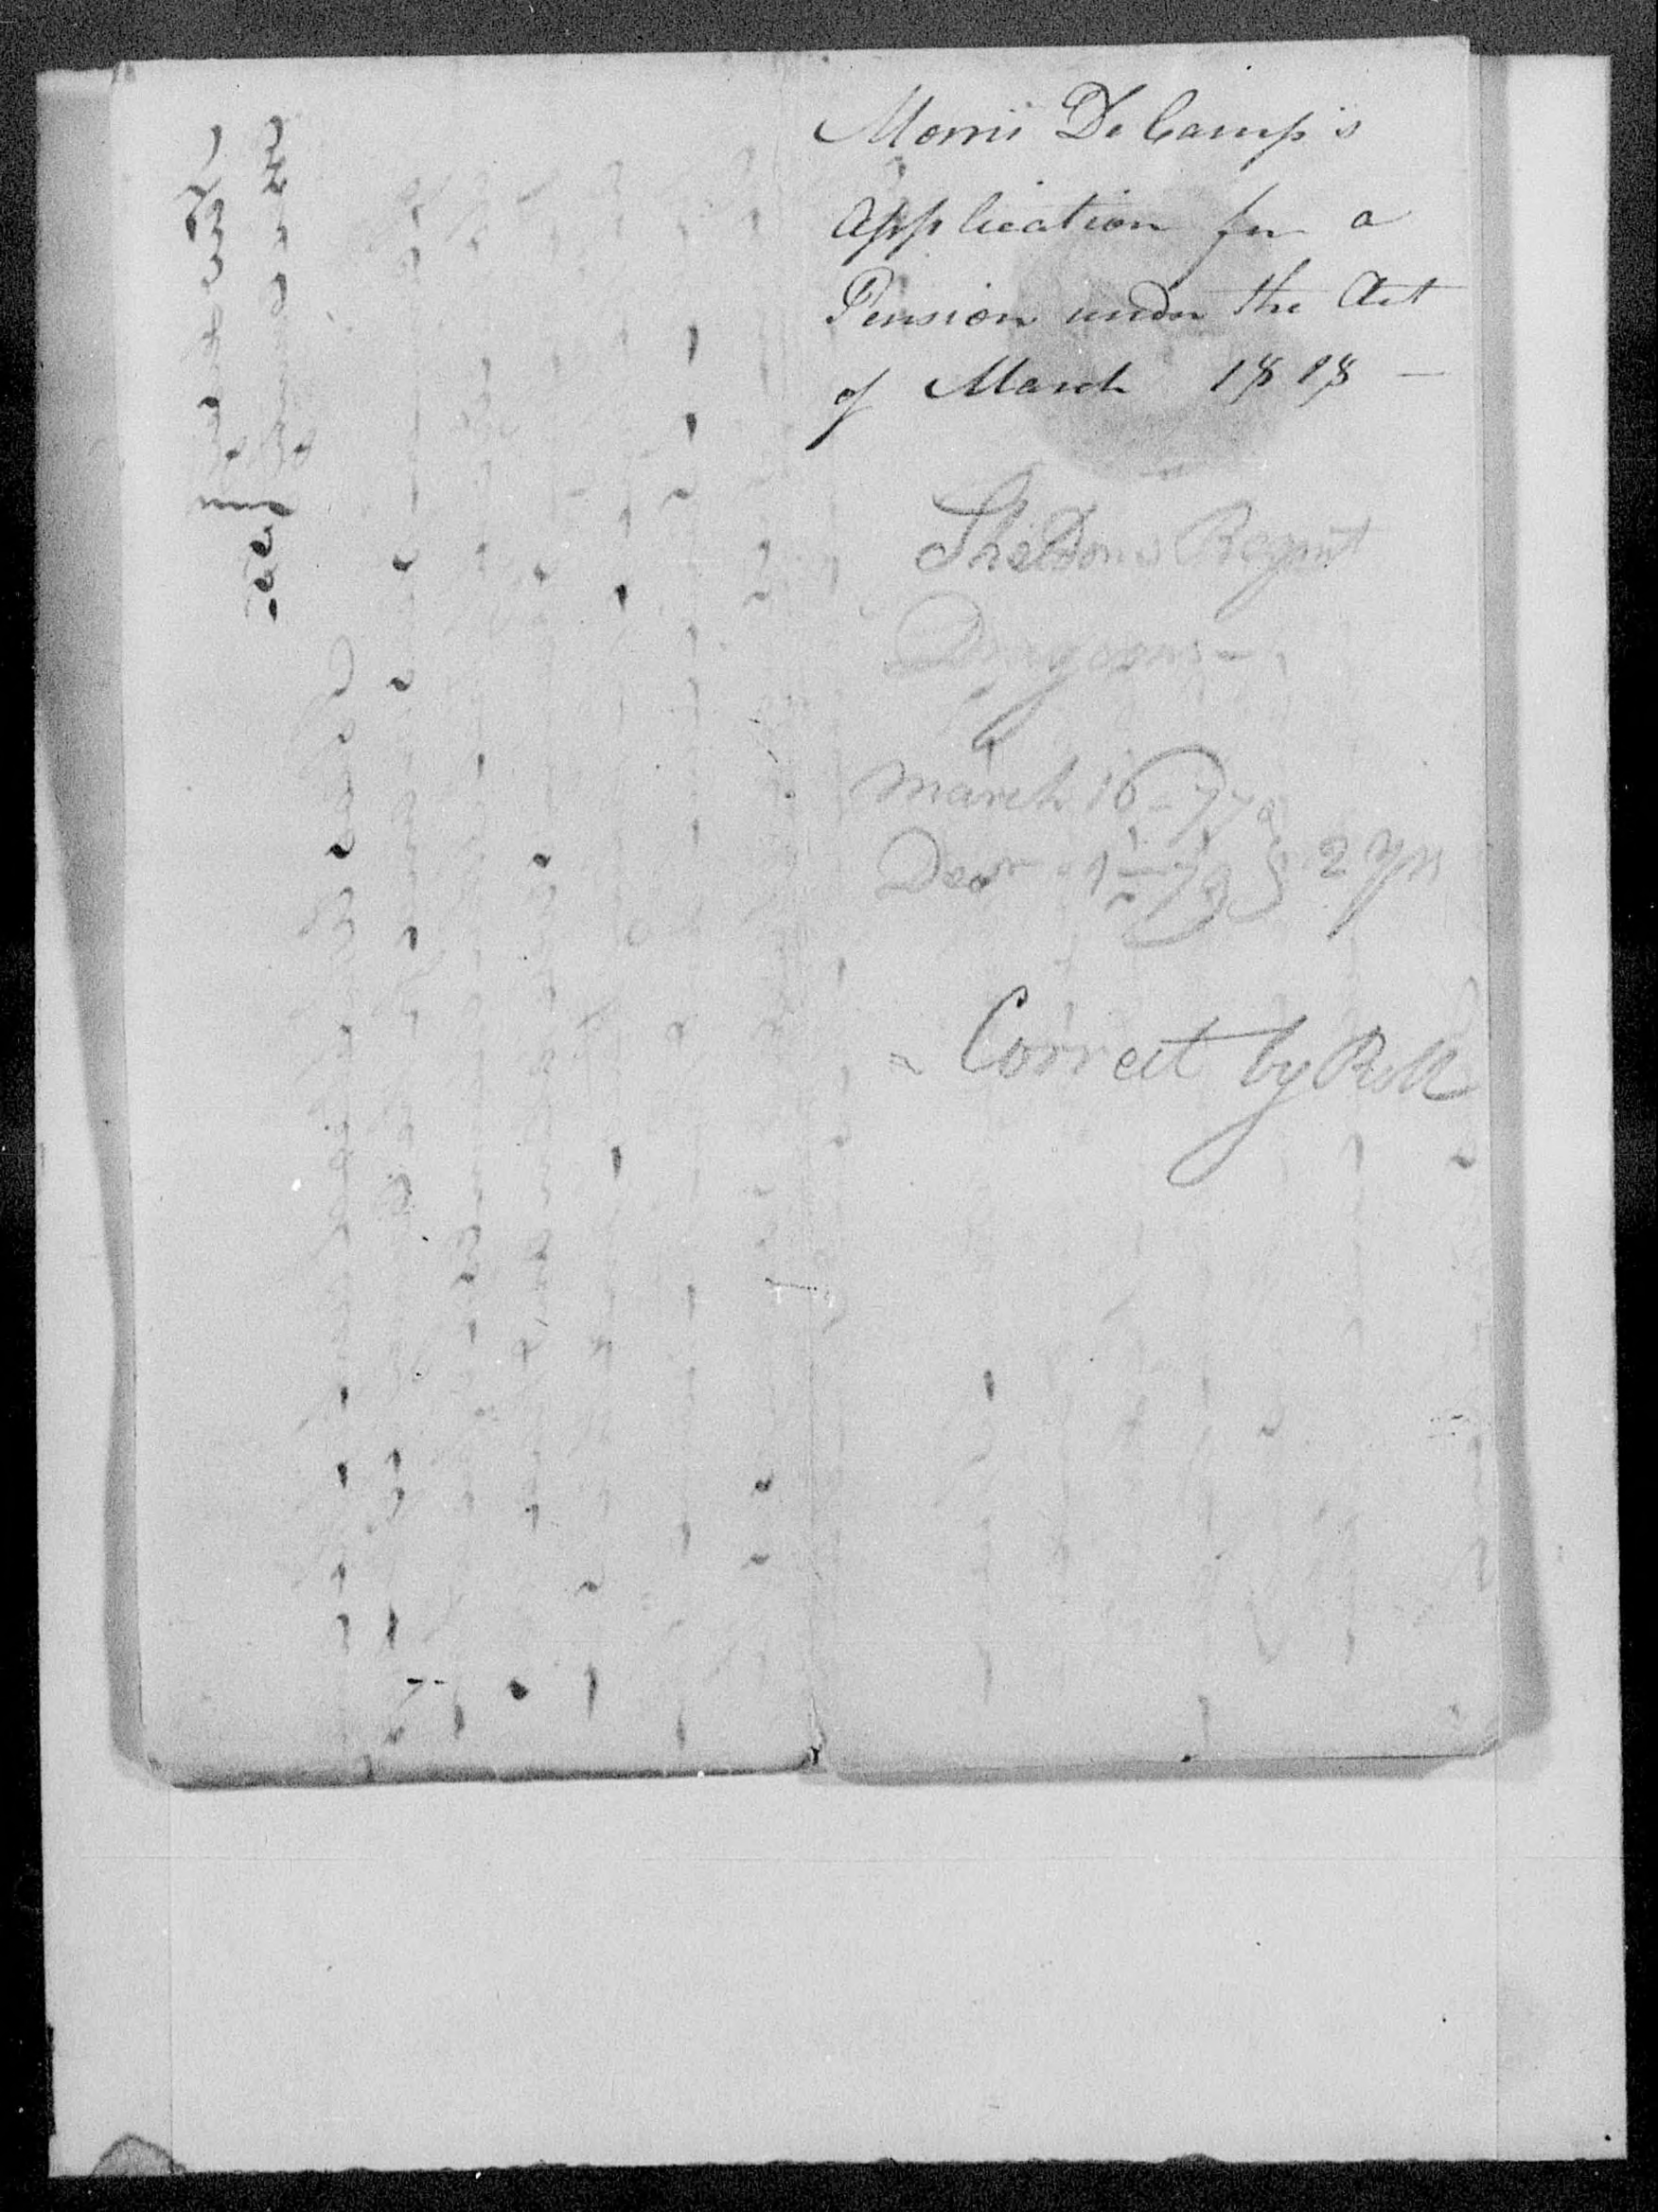Morris De Camp's Application for a 
Pension under the Act 
of March 1818
Sheldon Regmt
Dragoons-
March 16 - 77
Decr  [illeg]  } 2 yrs
Correct by Roll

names: Morris De Camp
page: 5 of 52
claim: survivor's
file: S. 34172, Morris D Camp, Continental (New Jersey)